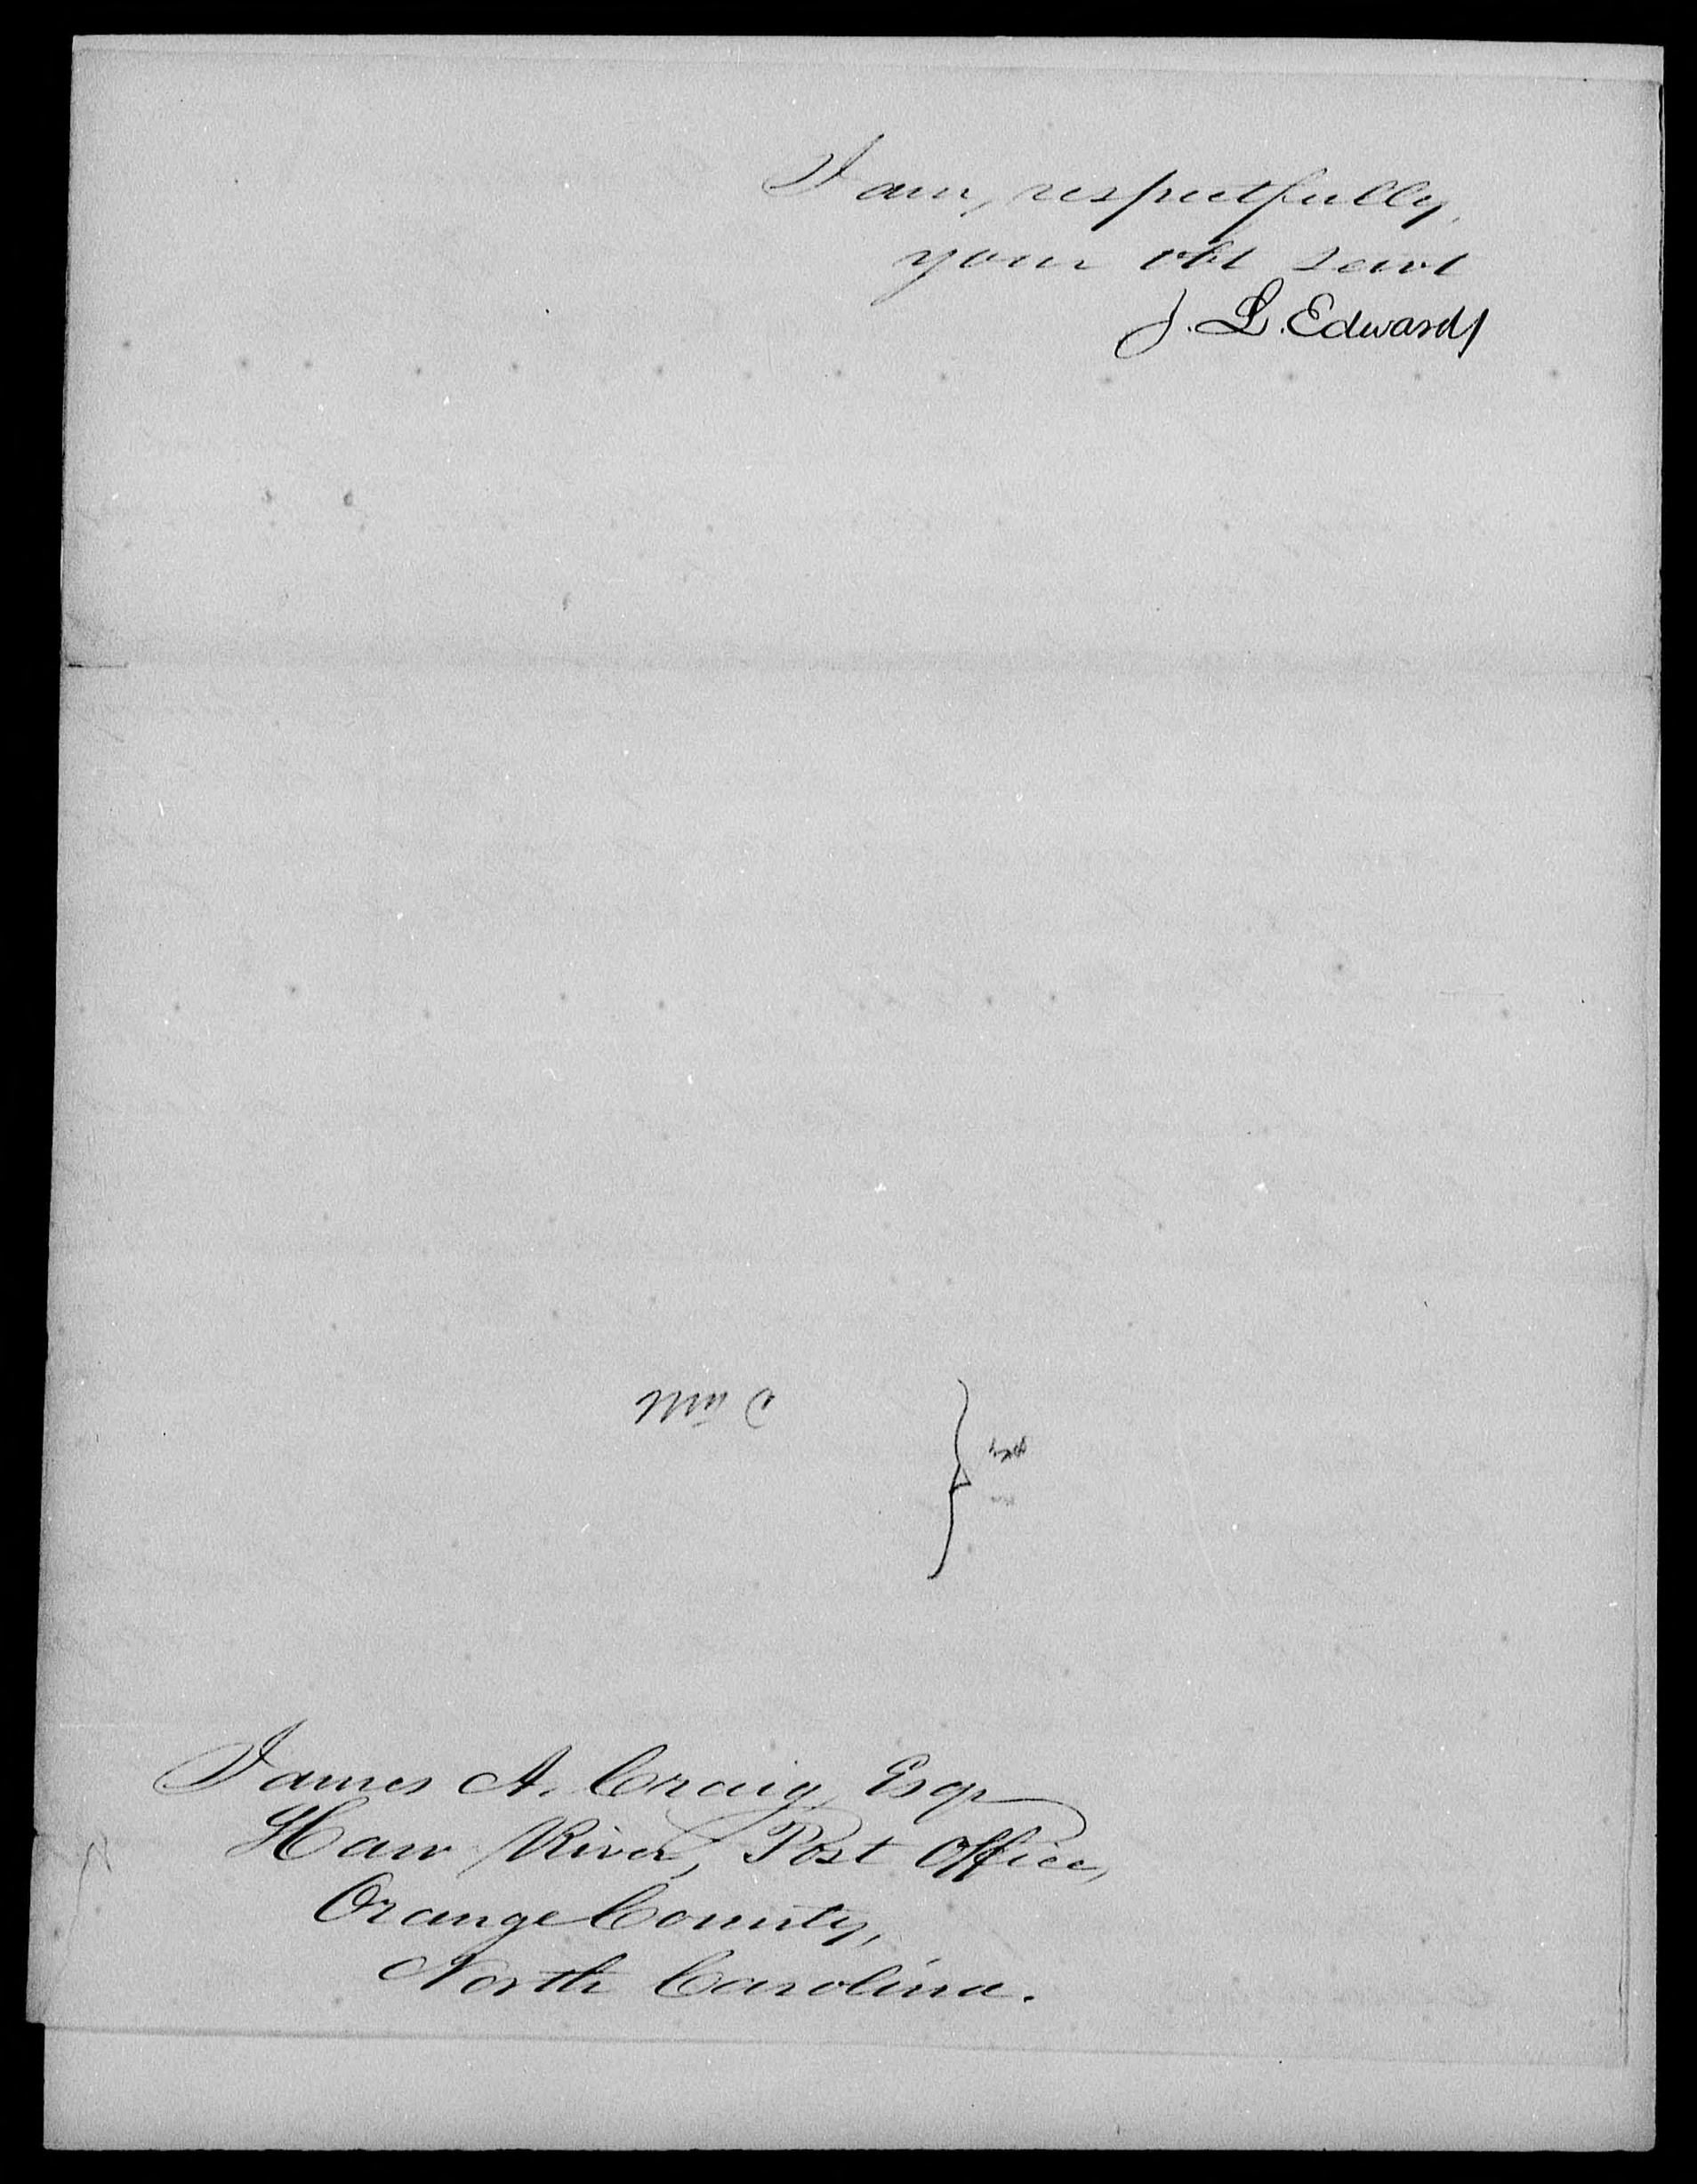[Second and last page of handwritten letter.]

I am respectfully, 
your obt servt [your obedient servant]
J. L. Edwards


[In the lower middle portion of the document, there is what looks like a handwritten notation:] Mr C [or Wm C, and what appears to be a hand-drawn bracket with a small set of illegible letters.]

[Near the bottom left side of the page, there is this:]
James A. Craig, Esqr
Haw River, Post Office,
Orange County,
North Carolina.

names: James A Craig, J L Edwards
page: 90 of 145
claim: survivor's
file: S. 8265, William Cumming, N.C.